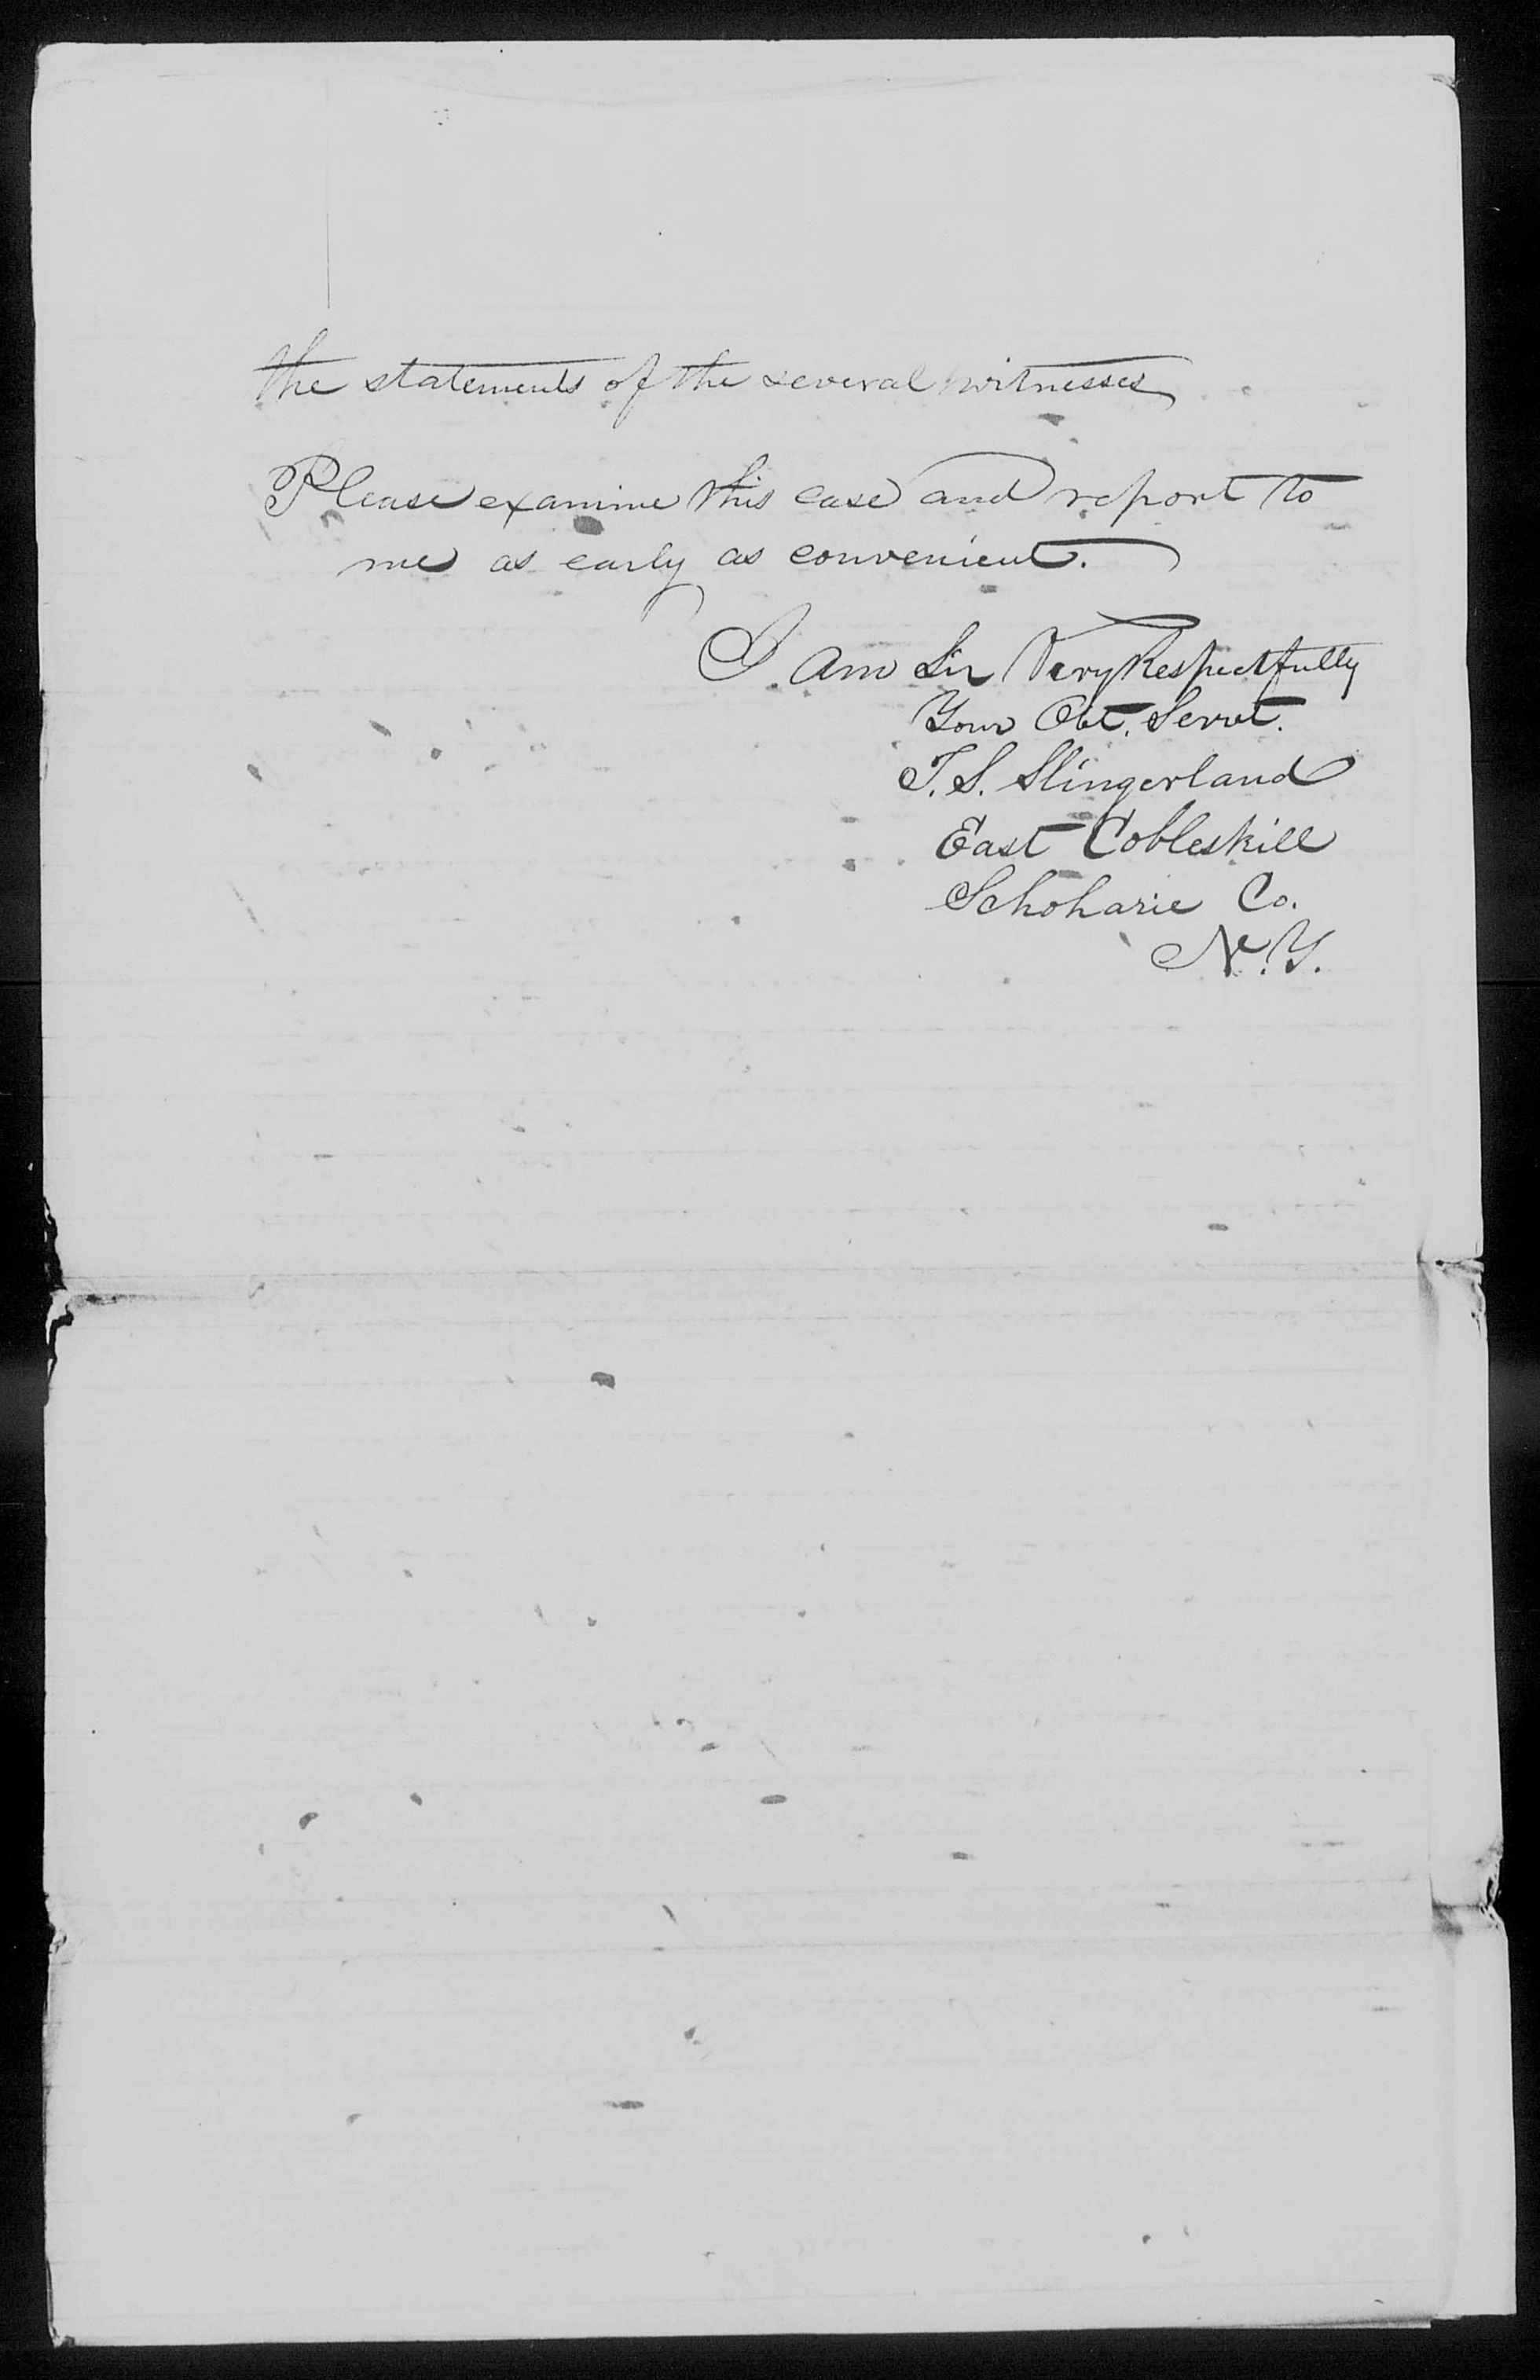the statements of the several witnesses.

Please examine this case and report to me as early as convenient.

I am Sir Very Respectfully
Your Obt. Servt.
T. S. Slingerland
East Cobleskill
Schoharie Co.
N.Y.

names: T S Slingerland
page: 88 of 106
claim: survivor's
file: S 23,116., Joshua Benedict, Conn.